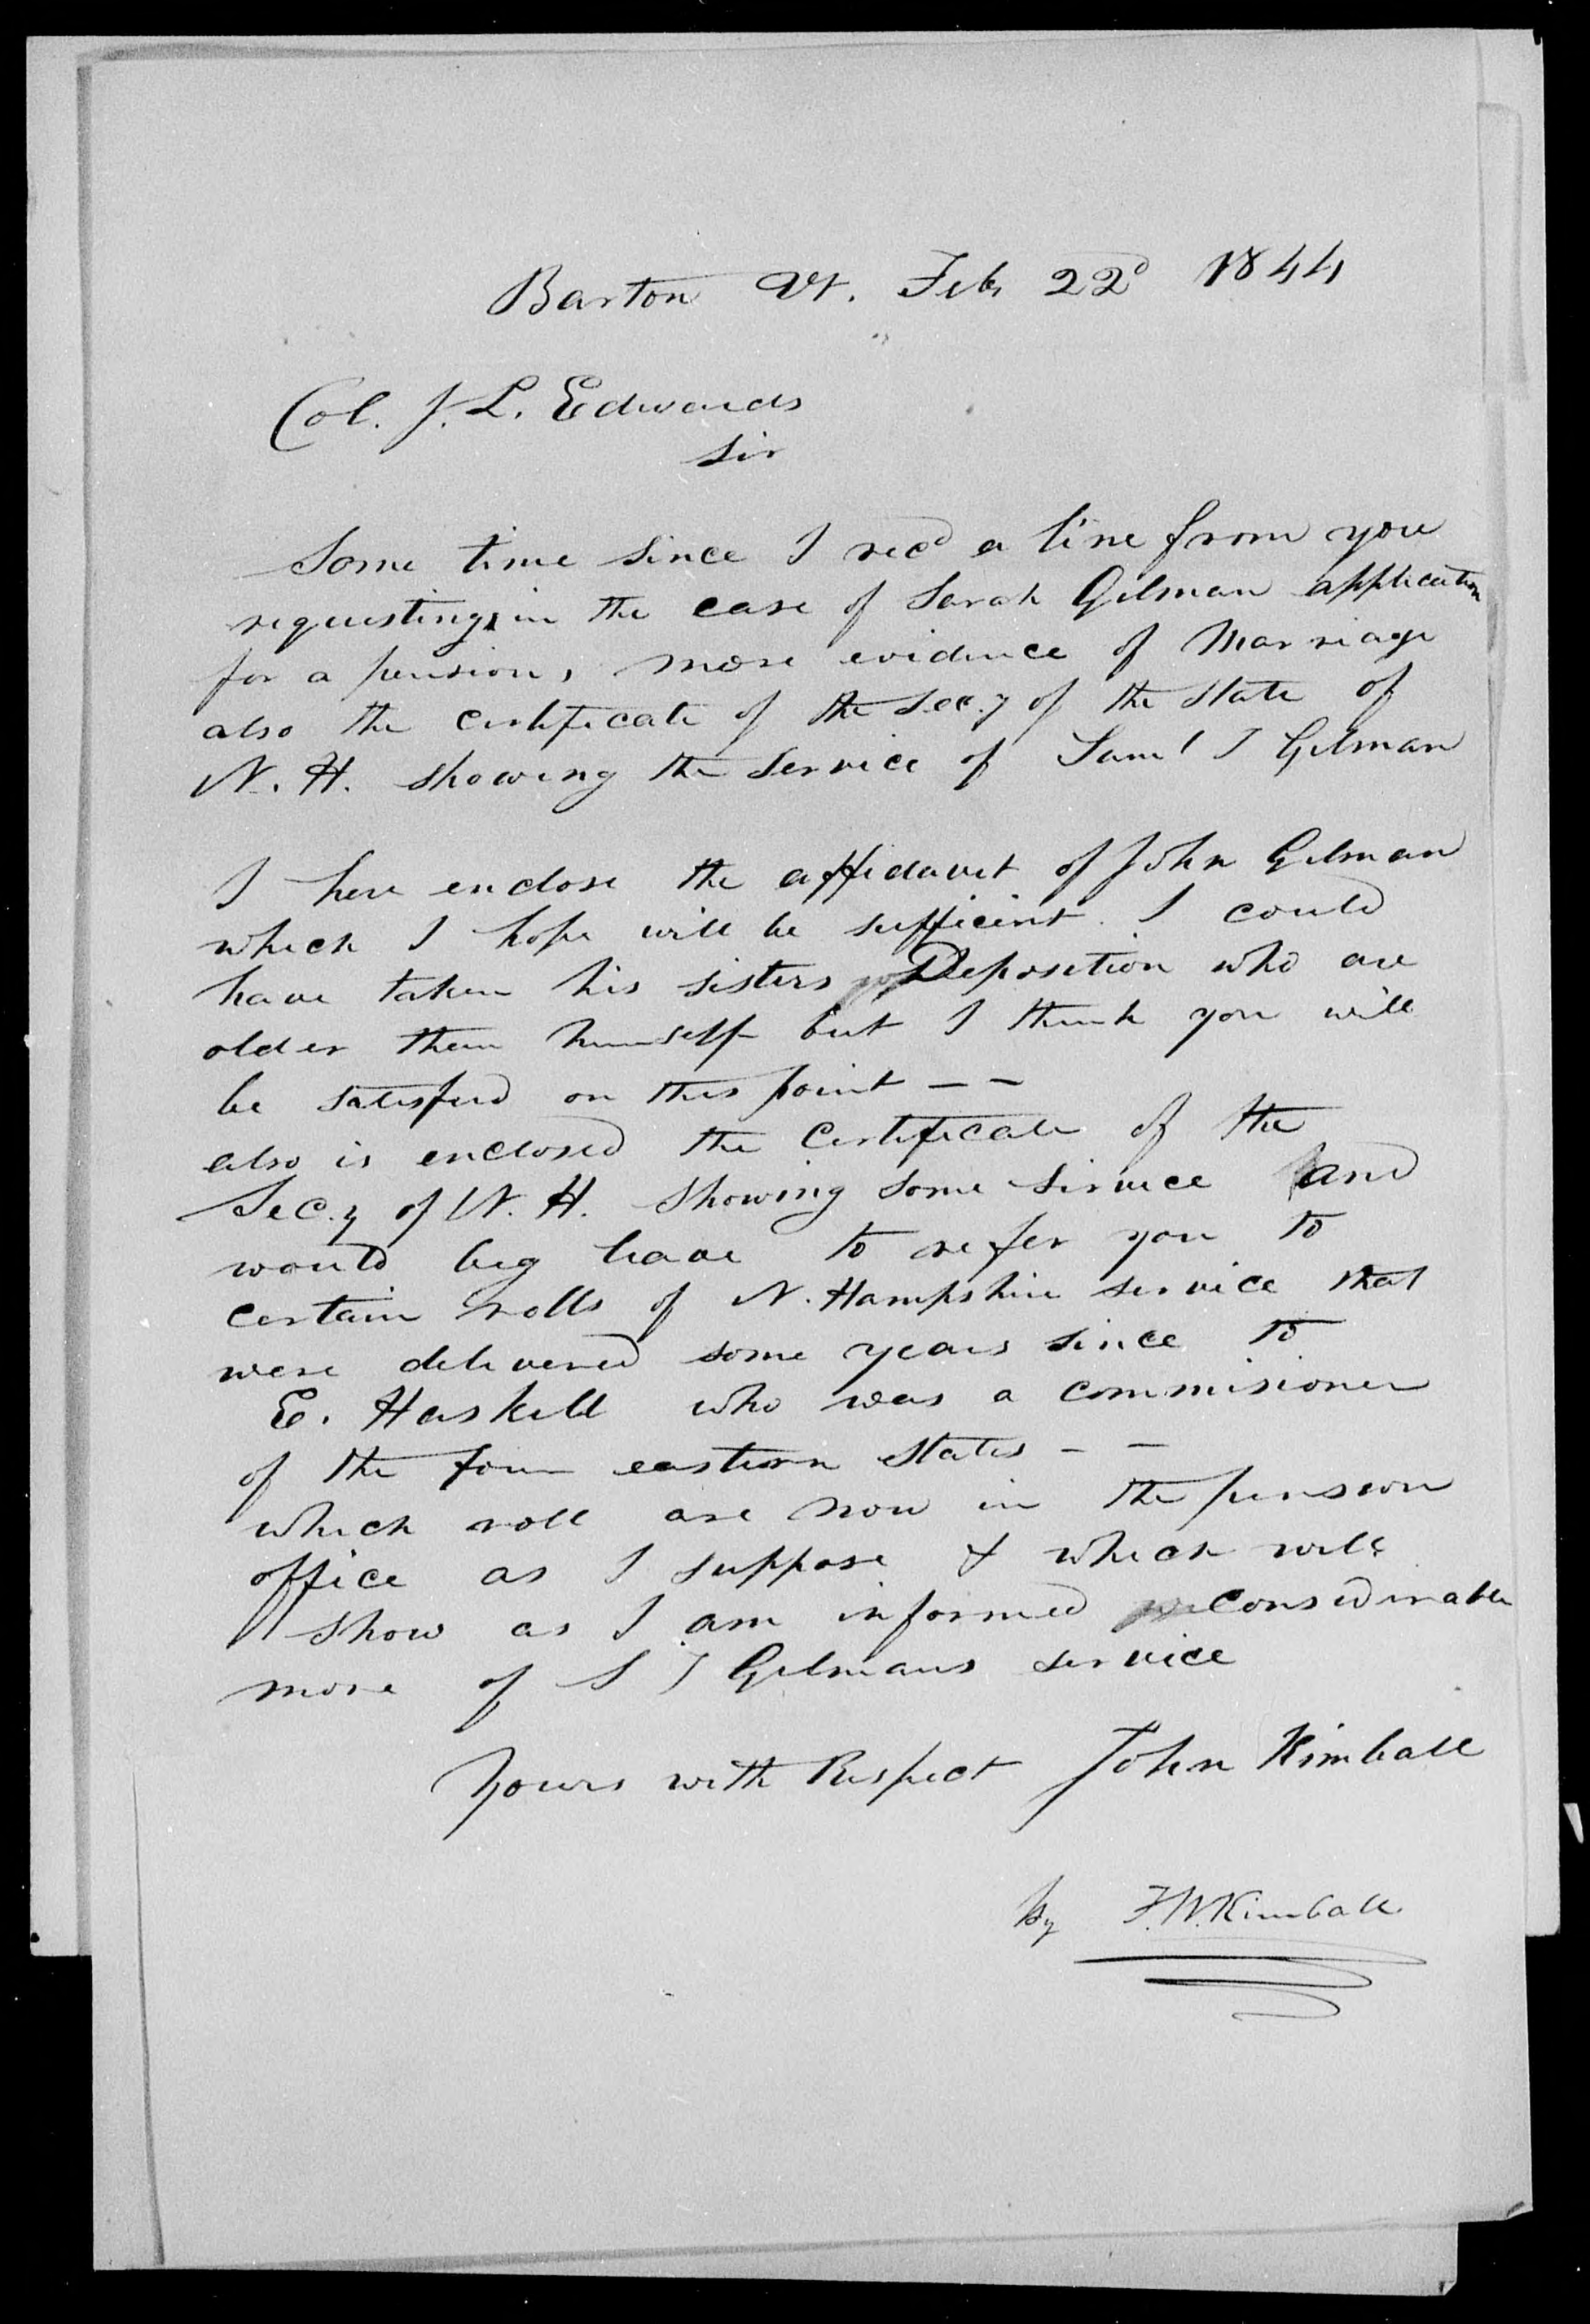Barton Vt. Feb. 22d 1844
Col. J. L. Edwards
Sir

Some time Since I recd a line from you requesting the case of Sarah Gilman applicant for a pension, more evidence of Marriage also the certificate of the Secy of the State of N.H. showing the service of Saml T Gilman

I here enclose the affidavit of John Gilman which I hope will be sufficient I could have taken his sisters Deposition who are older then himself but I think you will be satisfied on this point -
also is enclosed the Certificate of the Secy of N.H. showing some service and would beg here to refer you to certain rolls of N. Hampshire service that were delivered some years since to E. Haskill who was a commissioner of the four eastern states -- which roll are now in the pension office as I suppose & which will show as I am informed considerable more of S T Gilmans service
Yours with Respect John Kimball
by FW Kimball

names: John Kimball, John Gilman, E Haskell, S T Gilman, J L Edwards, Sarah Gilman, Saml T Gilman, F W Kimball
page: 31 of 61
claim: widow's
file: W. 19500, Samuel Thing Gilman, Continental N.H.